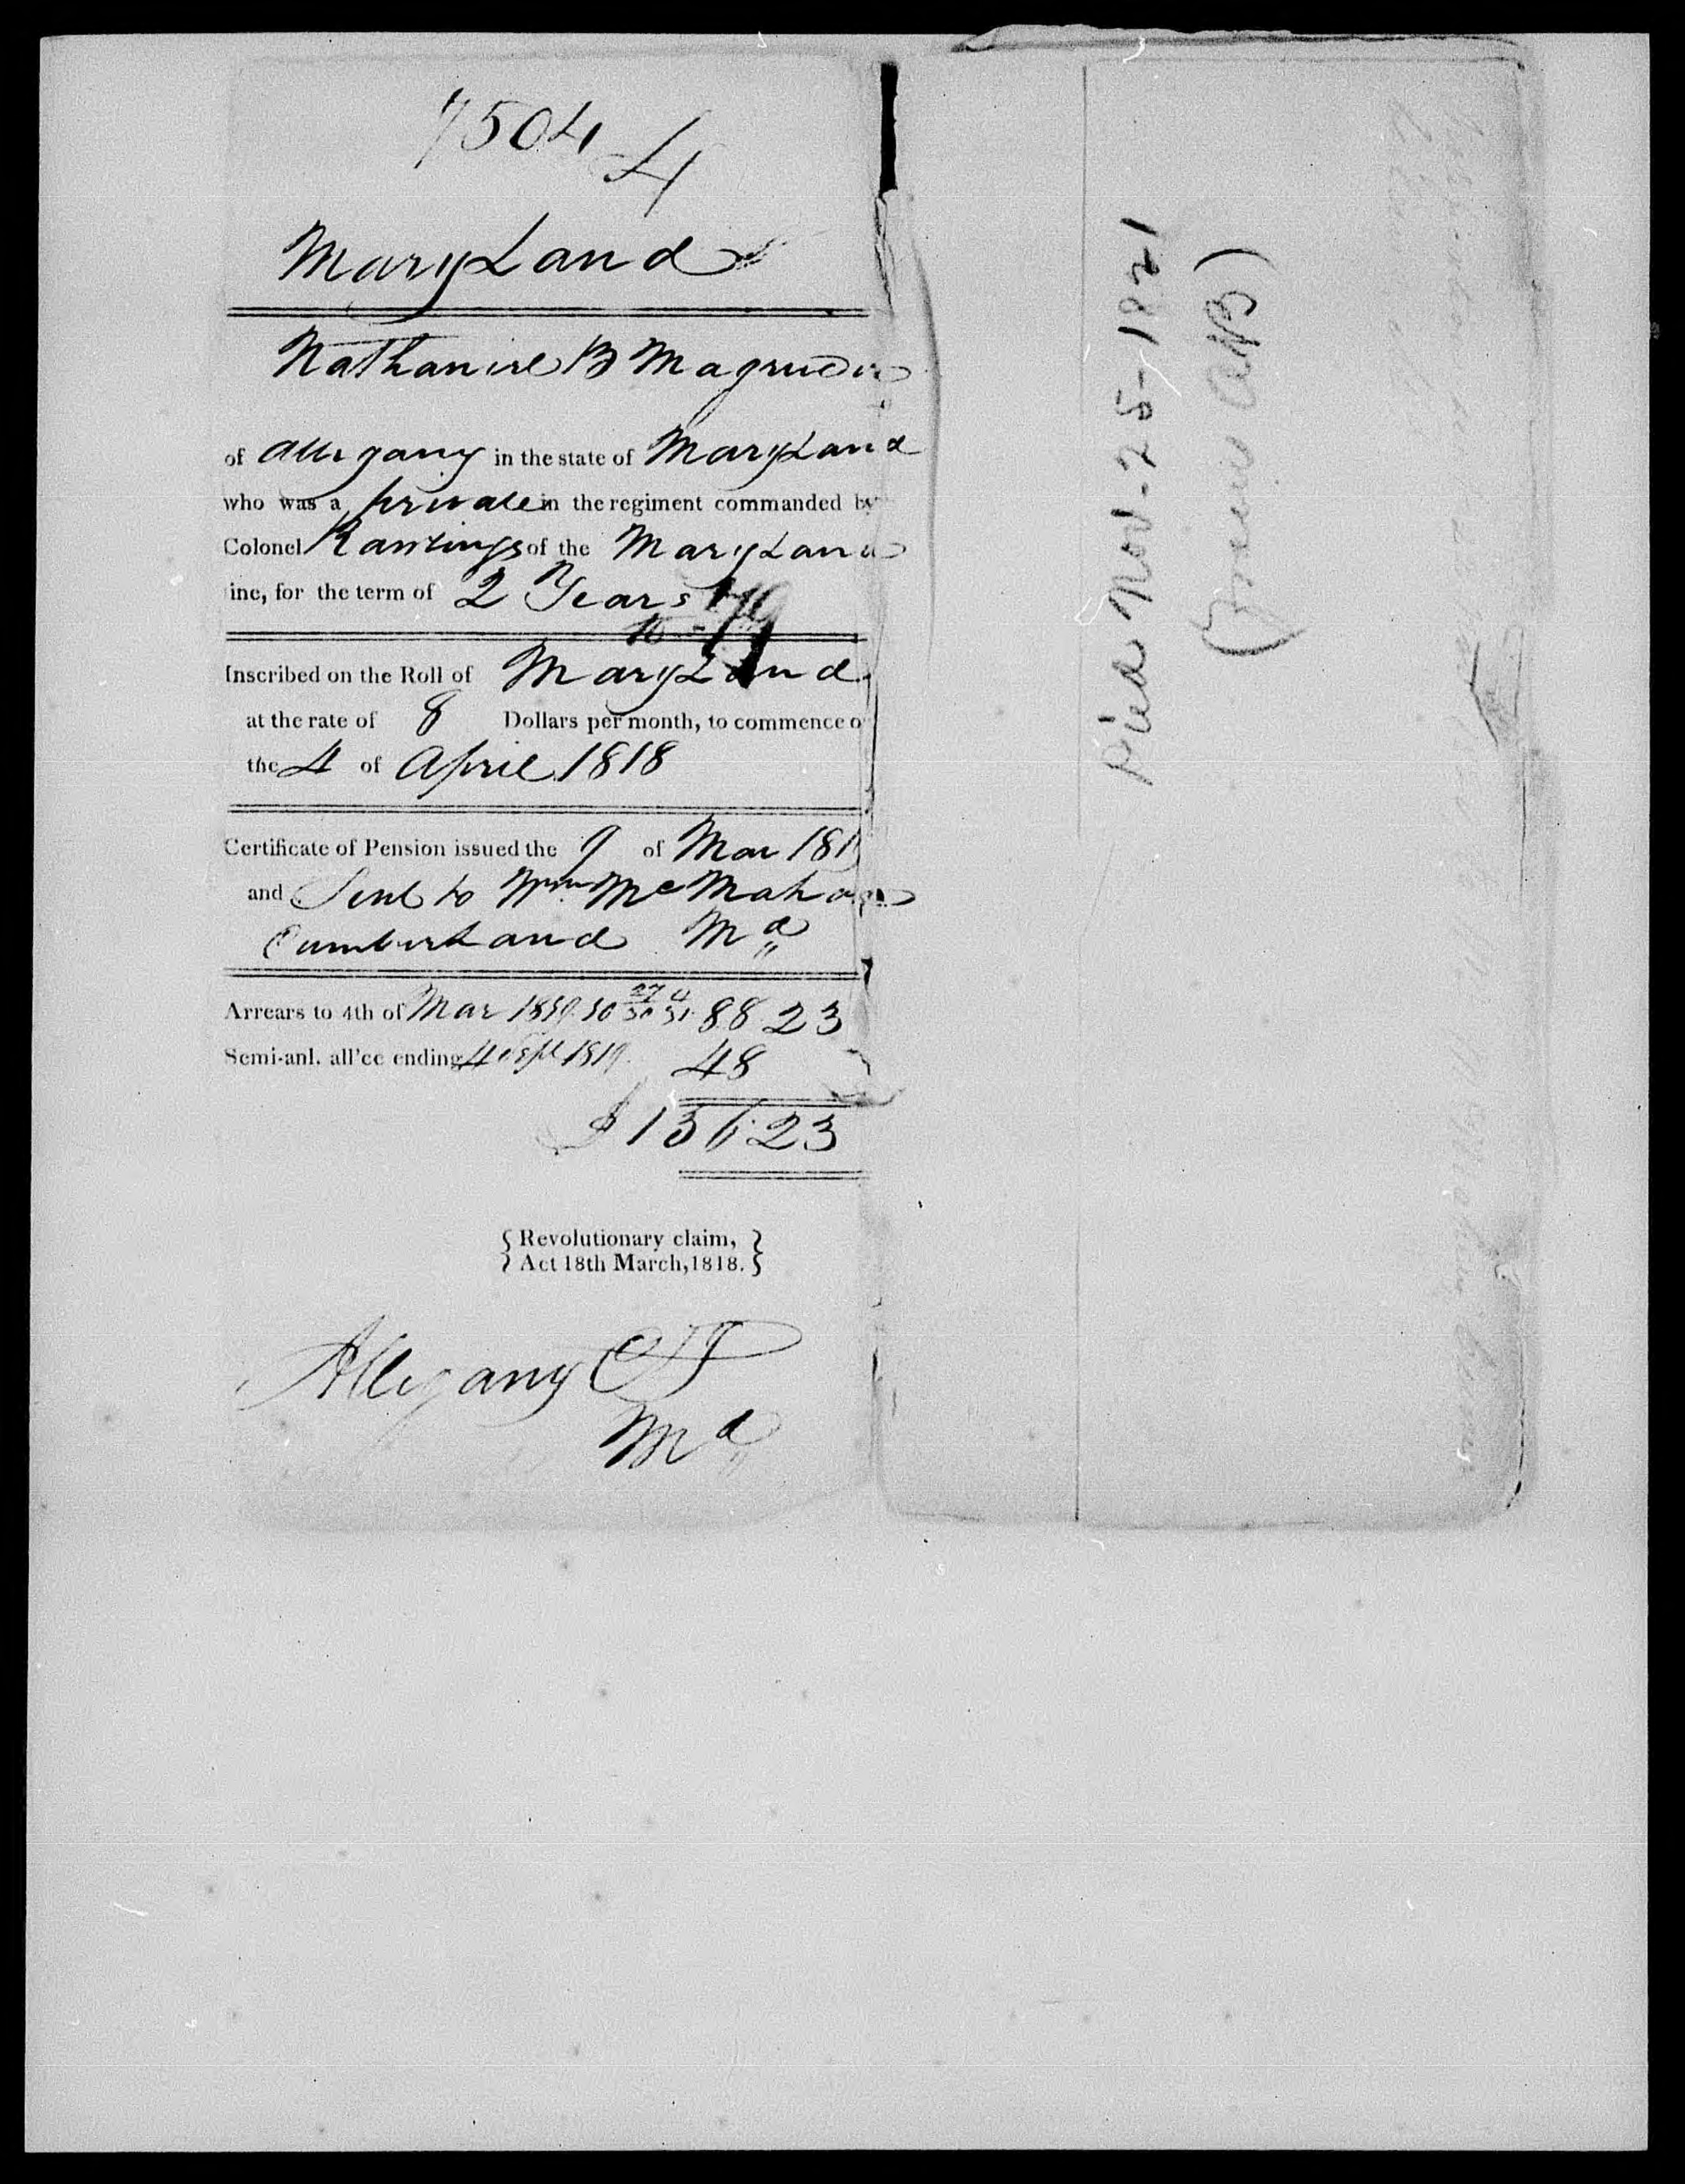7504
4
Maryland
Nathaniel B. Magruder
of Allegany in the state of Maryland who was a private in the regiment commanded by Colonel Rawlings of the Maryland Line, for the term of 2 years
Inscribed on the Roll of Maryland
at the rate of 8 Dollars per month, to commence on
the 4 of April 1818
Certificate of Pension issued the 7 of Marach 1819 and Sent to Wm McMahon
Cumberland Md

Died Nov. 25 1821
Arrears to 4th of Mar 1819                   88.23
Semi-anl, all'ee ending 4 Sept 1819     48
                                                          $136.23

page: 2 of 13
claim: survivor's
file: S. 34973, for Nathaniel Beale Magruder, Maryland